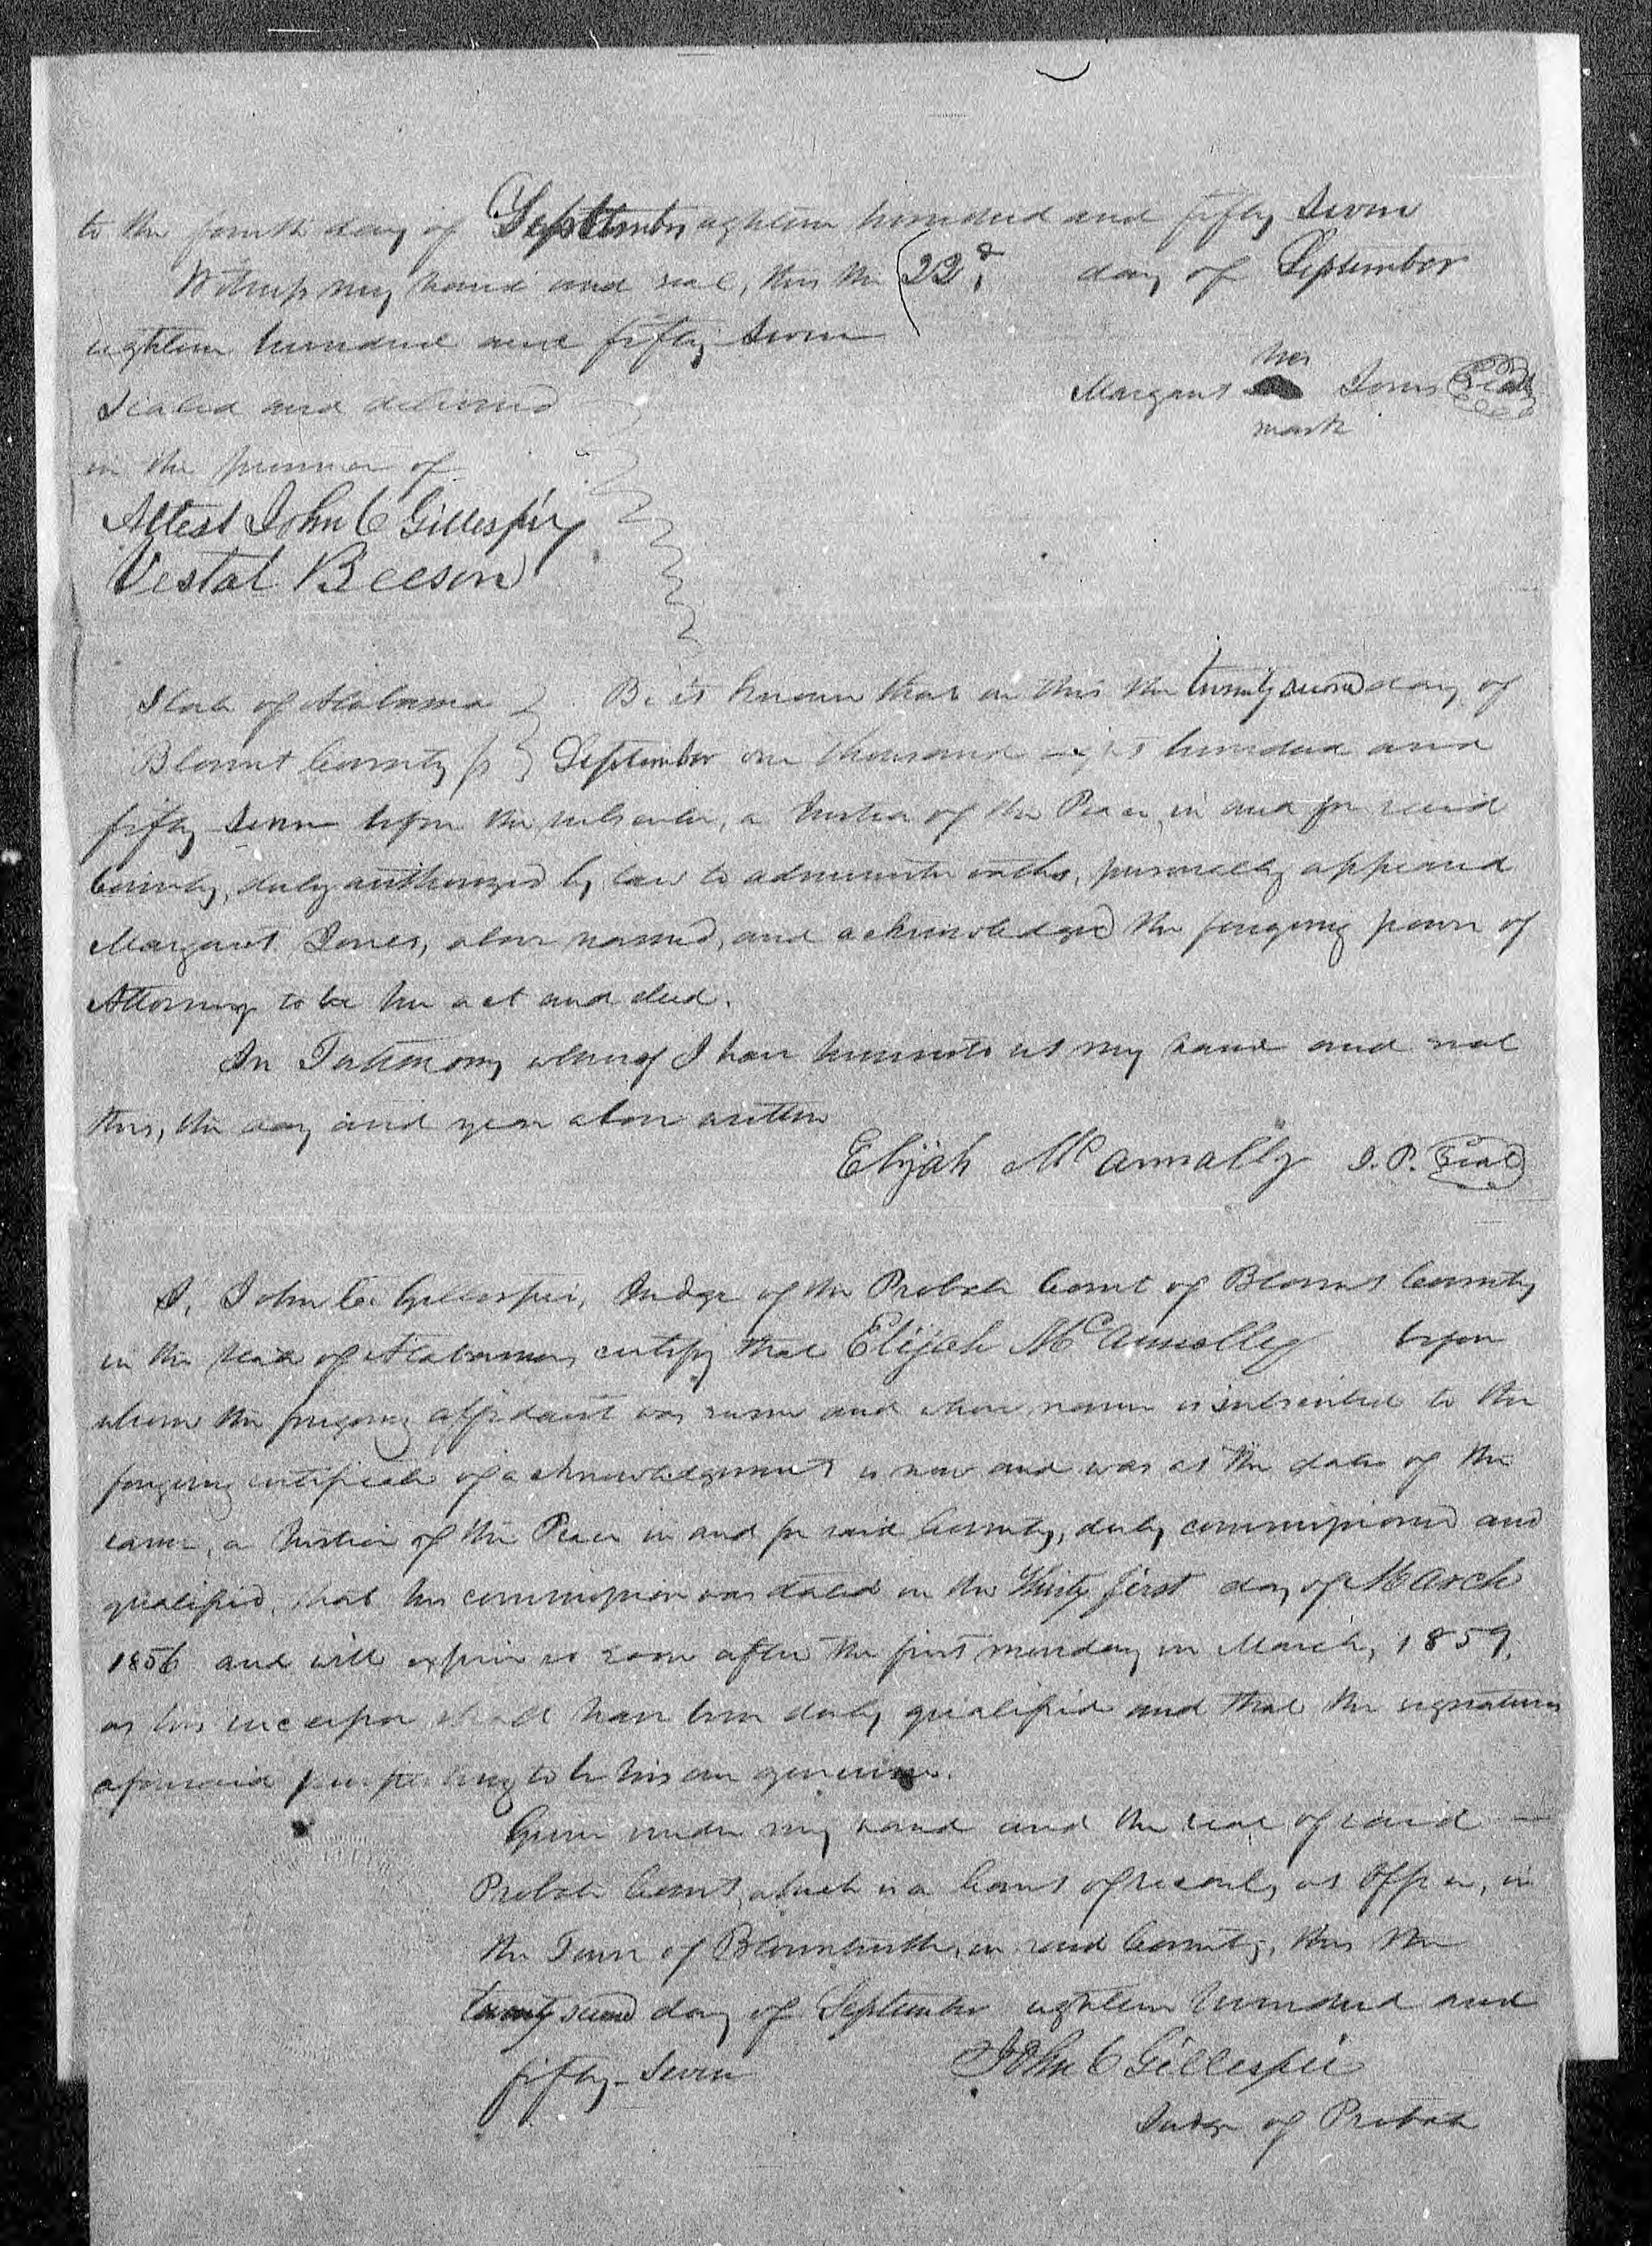to the fourth day of September eighteen hundred and fifty seven
Witness my hand and seal this the 22nd day of September
eighteen hundred and fifty seven
Margaret Jones [her mark]
Sealed and delivered
in the presence of 
Attest  John C. Gillespie
Vestal Beeson

State of Alabama
Blount County
Be it known that in this the twenty seven day of
September one thousand eight hundred and
fifty seven before me duly sworn, a Justice of the Peace in and for said
County, duly authorized by law to administer oaths, personally appeared
Margaret Jones, also named and acknowledged the foregoing power of 
Attorney to be her act and deed.  
In Testimony whereof I have subscribed [with?] my hand and seal 
this the day and year above written.
Elijah McAnnally J.P.   [seal]

I, John C. Gillespie, Judge of the Probate Court of Blount County 
in the State of Alabama, certify that Elijah McAnnally upon
whom the following affidavit is sure and whose name is inscribed to the
forgoing certificate of acknowledgment is now and was at the date of the
same, a Justice of the Peace in and for said County, duly commissioned and 
qualified that his commission was dated on the thirty first day of March
1856 and will expire as soon after the first Monday in March 1857.
as this we upon shall make him duly qualified and that his signature
aforesaid purporting to be his as genuine.
Given under my hand and the seal of said
Probate Court which is a land of record, as office in
the Town of Blountsville in said County, this the 
twenty seven day of September eighteen hundred and 
fifty seven
John C. Gillespie
Judge of Probate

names: John C Gillespie; Margaret Jones; Elijah Mcannally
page: 40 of 45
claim: widow's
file: W. 26160, for Thomas C Jones, Georgia